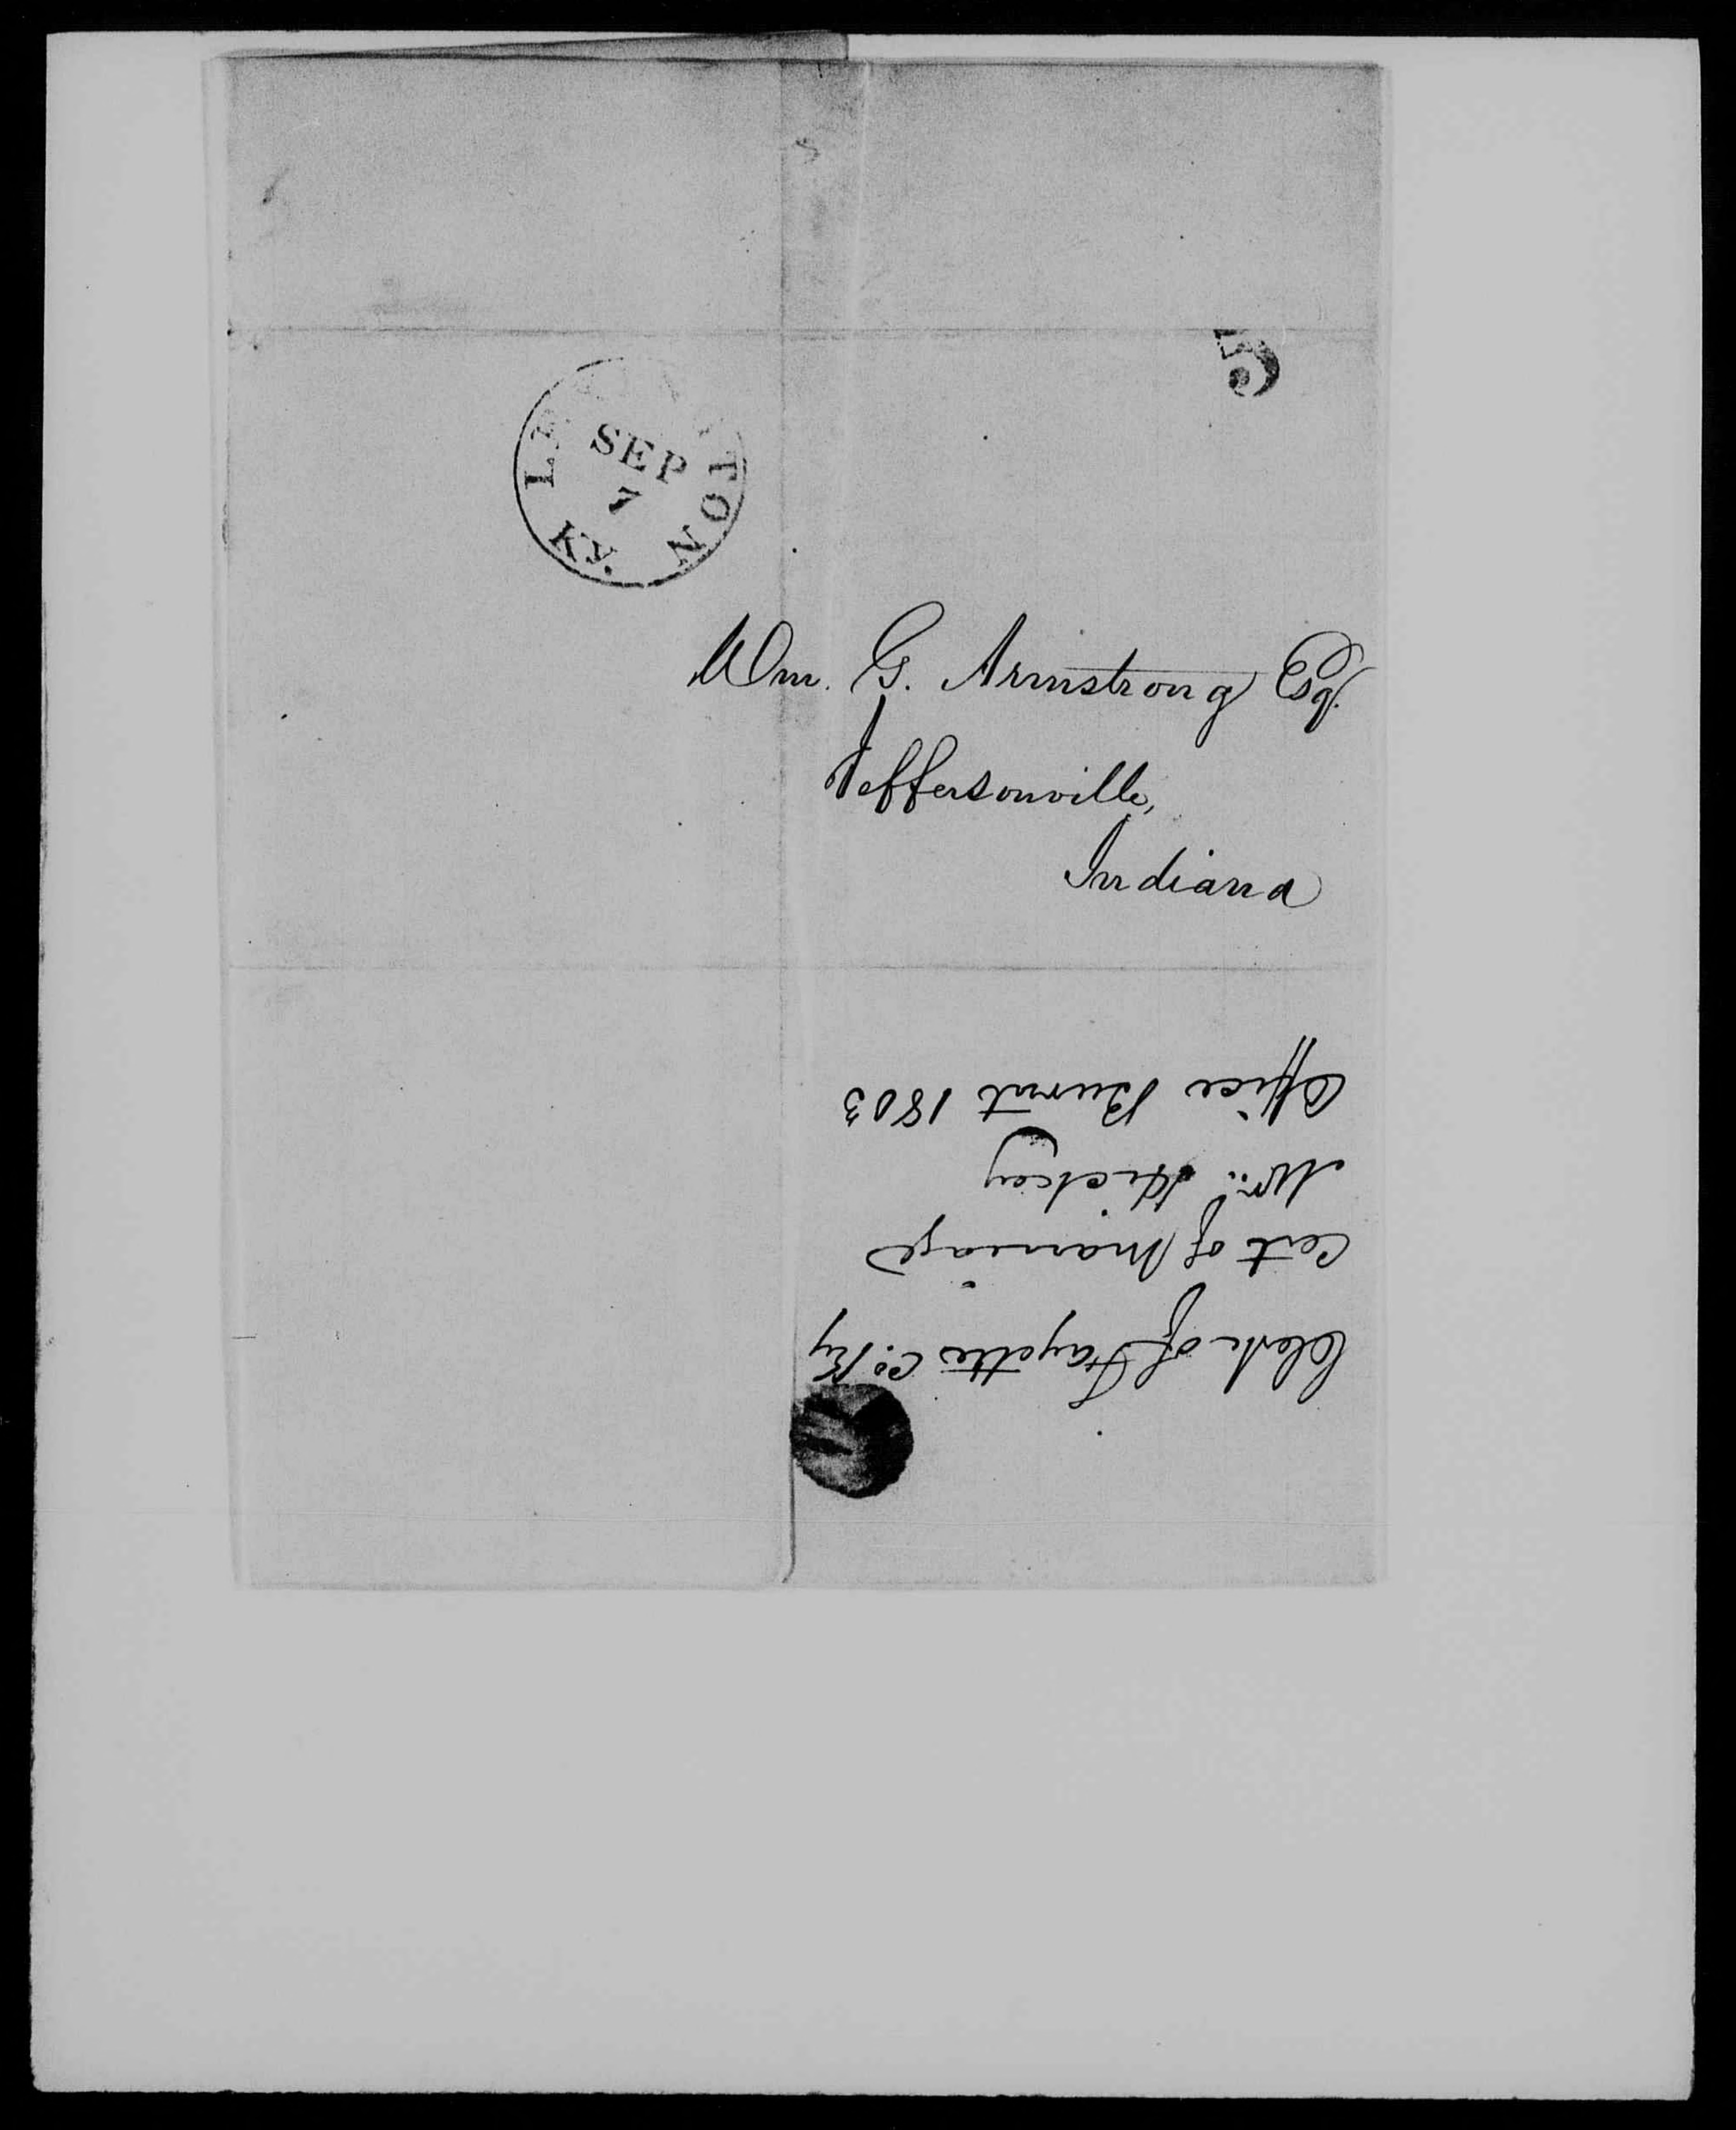5
LEXINGTON Ky SEP 7
Wm. G. Armstrong Esq
Jeffersonville
Indiana
Clerk of Fayette Co. Ky
cert of marriage Mr. Hickey
office burnt 1803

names: Wm G Armstrong, Hickey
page: 34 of 84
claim: widow's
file: W. 7744, Daniel Hickey, Penn.